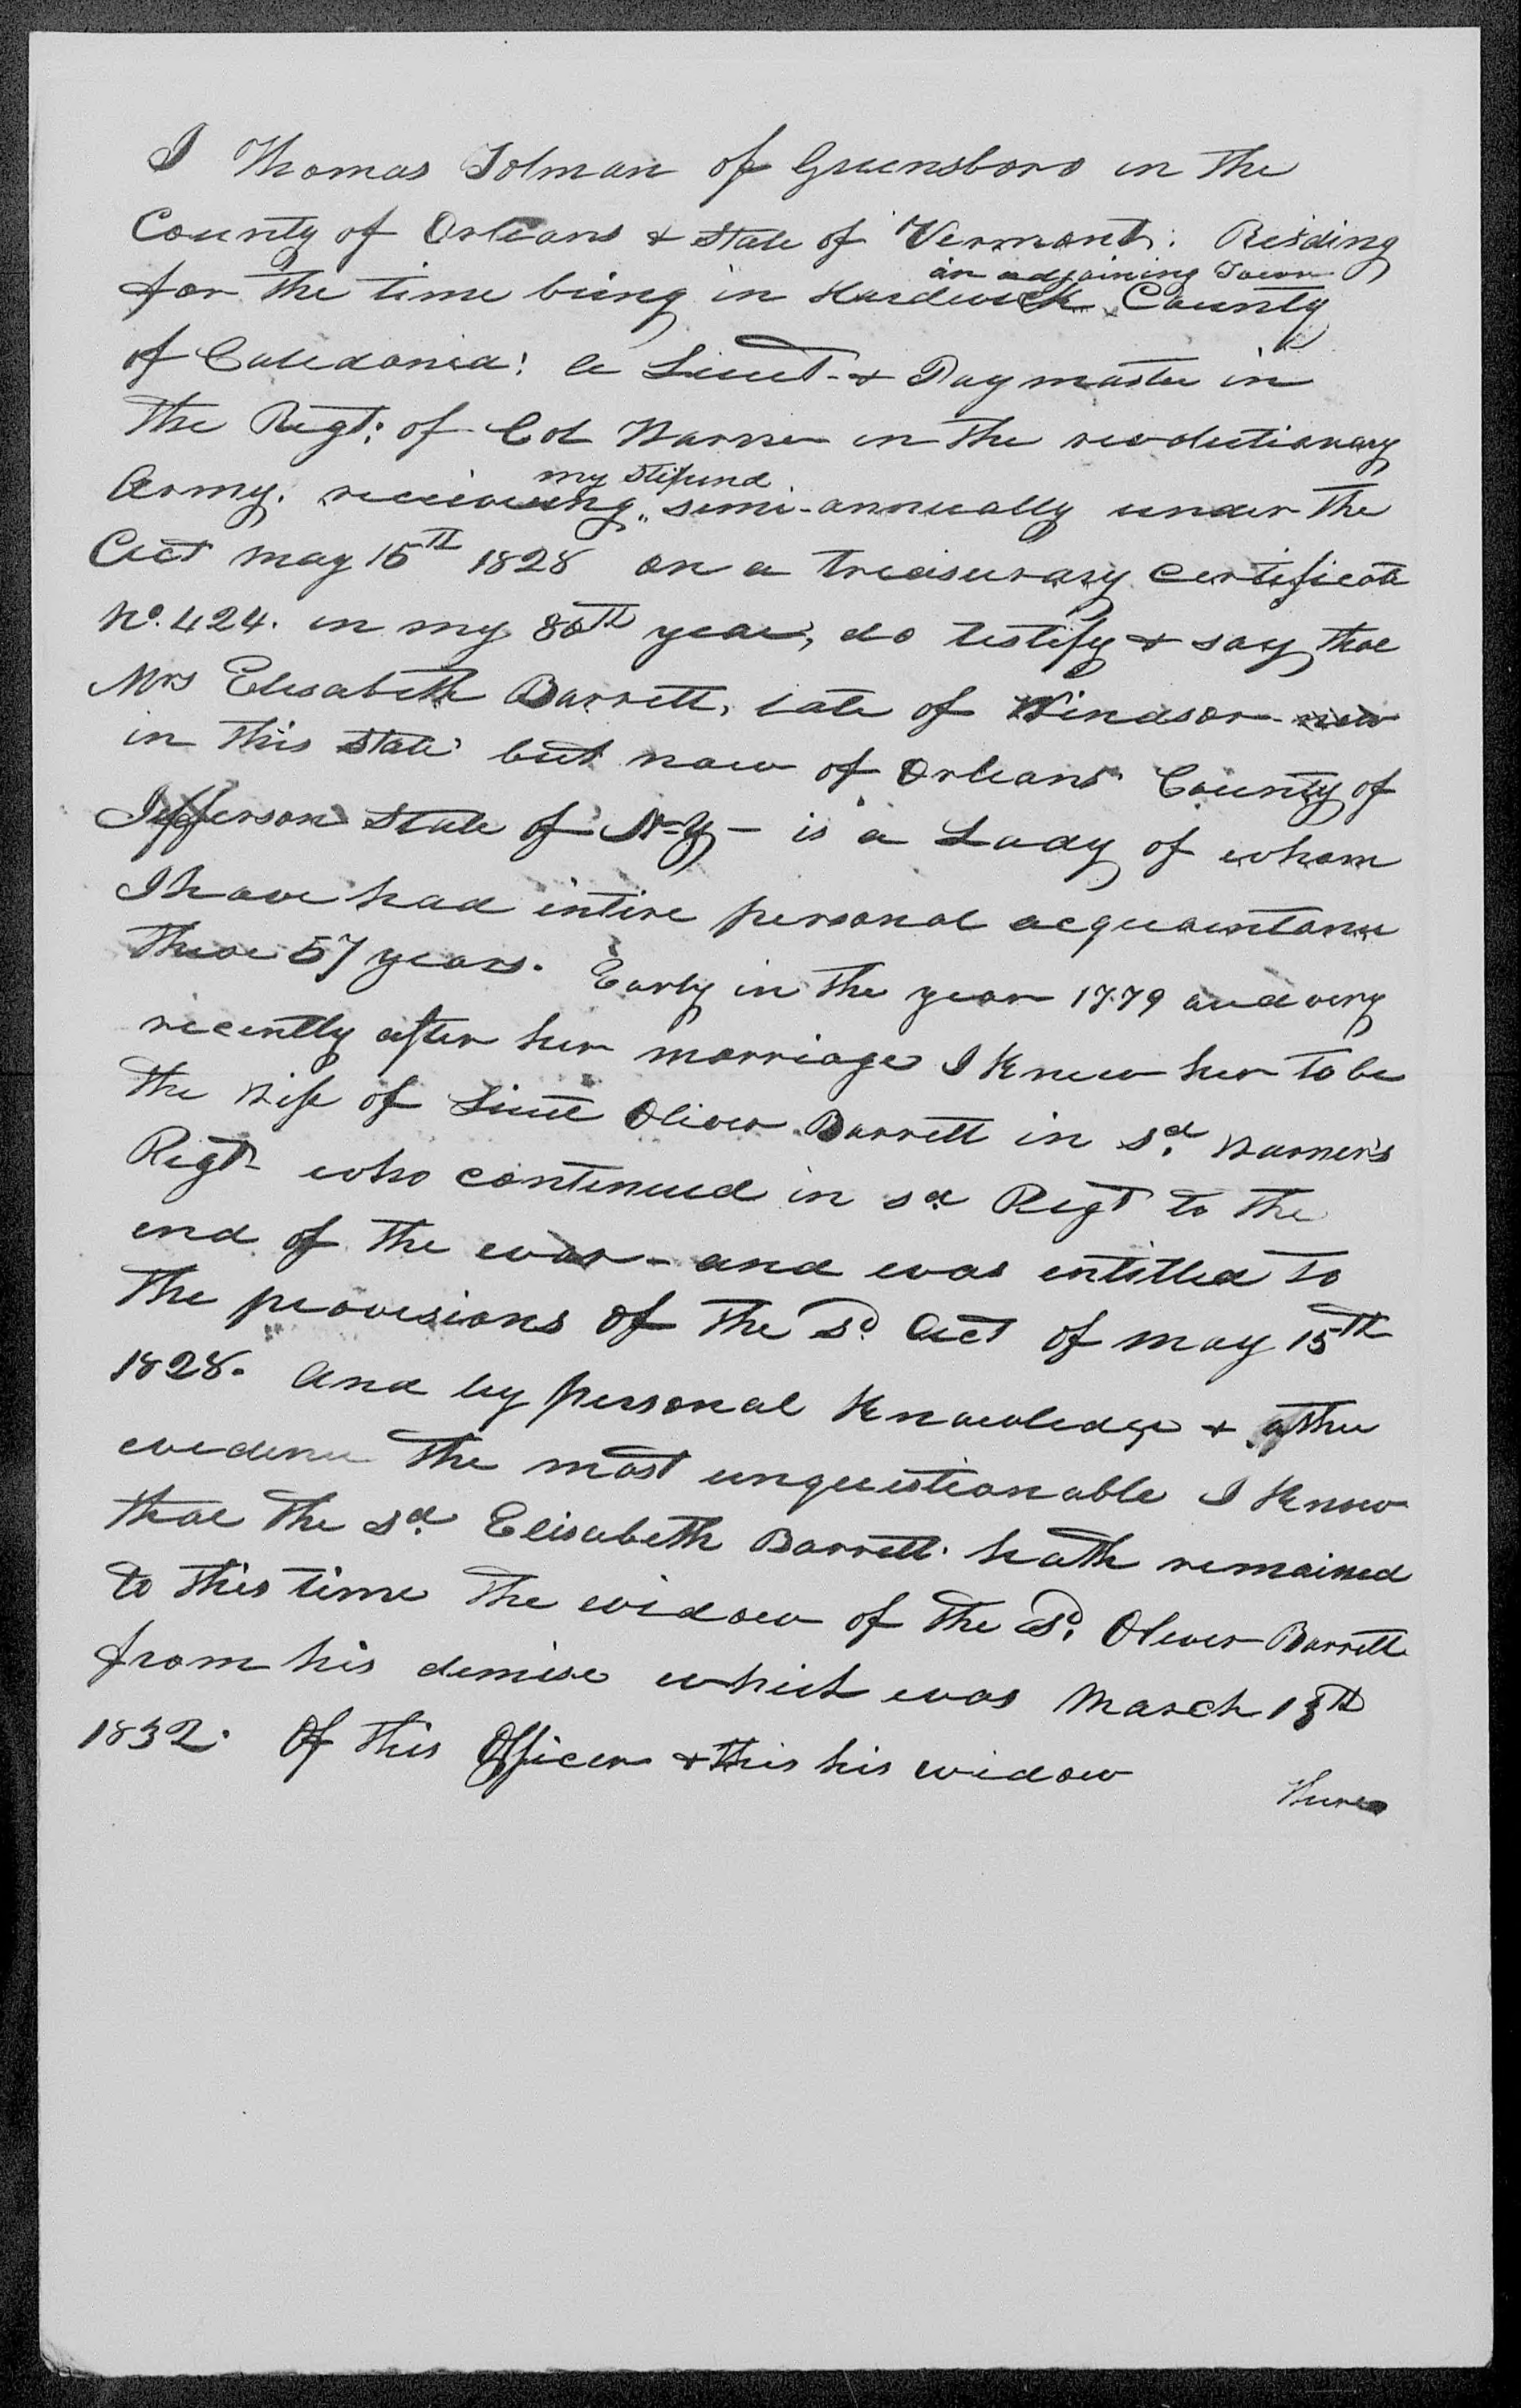I Thomas Tolman of Greensboro in the County of Orleans and State of Vermont residing for the time being in Hardwick an adjoining town and County of Calidonia; a Lieut. and paymaster in the Regt. of Col Warner in the Revolutionary army, receiving my stipend semi-annually under the Act May 15th 1828 on a Treasury certificate No. 424 in my 80th year, do testify and say that in this state, but now of Orleans County of Jefferson State of NY is a Lady of whom I have had entire personal acquaintance these 57 years. Early in the year 1779 and very recently after her marriage I knew her to be the wife of Oliver Barrett in Col. Warners Regt who continued in sd Regt to the end of the war and was entitled to the provisions of the sd act of May 15th 1828. And by personal knowledge and other evidence the most unquestionable I know that the sd Elizabeth Barrett hath remained to this time the widow of the sd Oliver Barrett from his demise which was March 13th 1832. Of this officer and this widow

Here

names: Oliver Barrett, Elisabeth Barrett, Thomas Tolman, Warren, Oliver Barrett, Elisabeth Barrett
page: 57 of 83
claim: widow's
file: W. 10,384, Oliver Barrett, Continental (Vt.) N.Y.